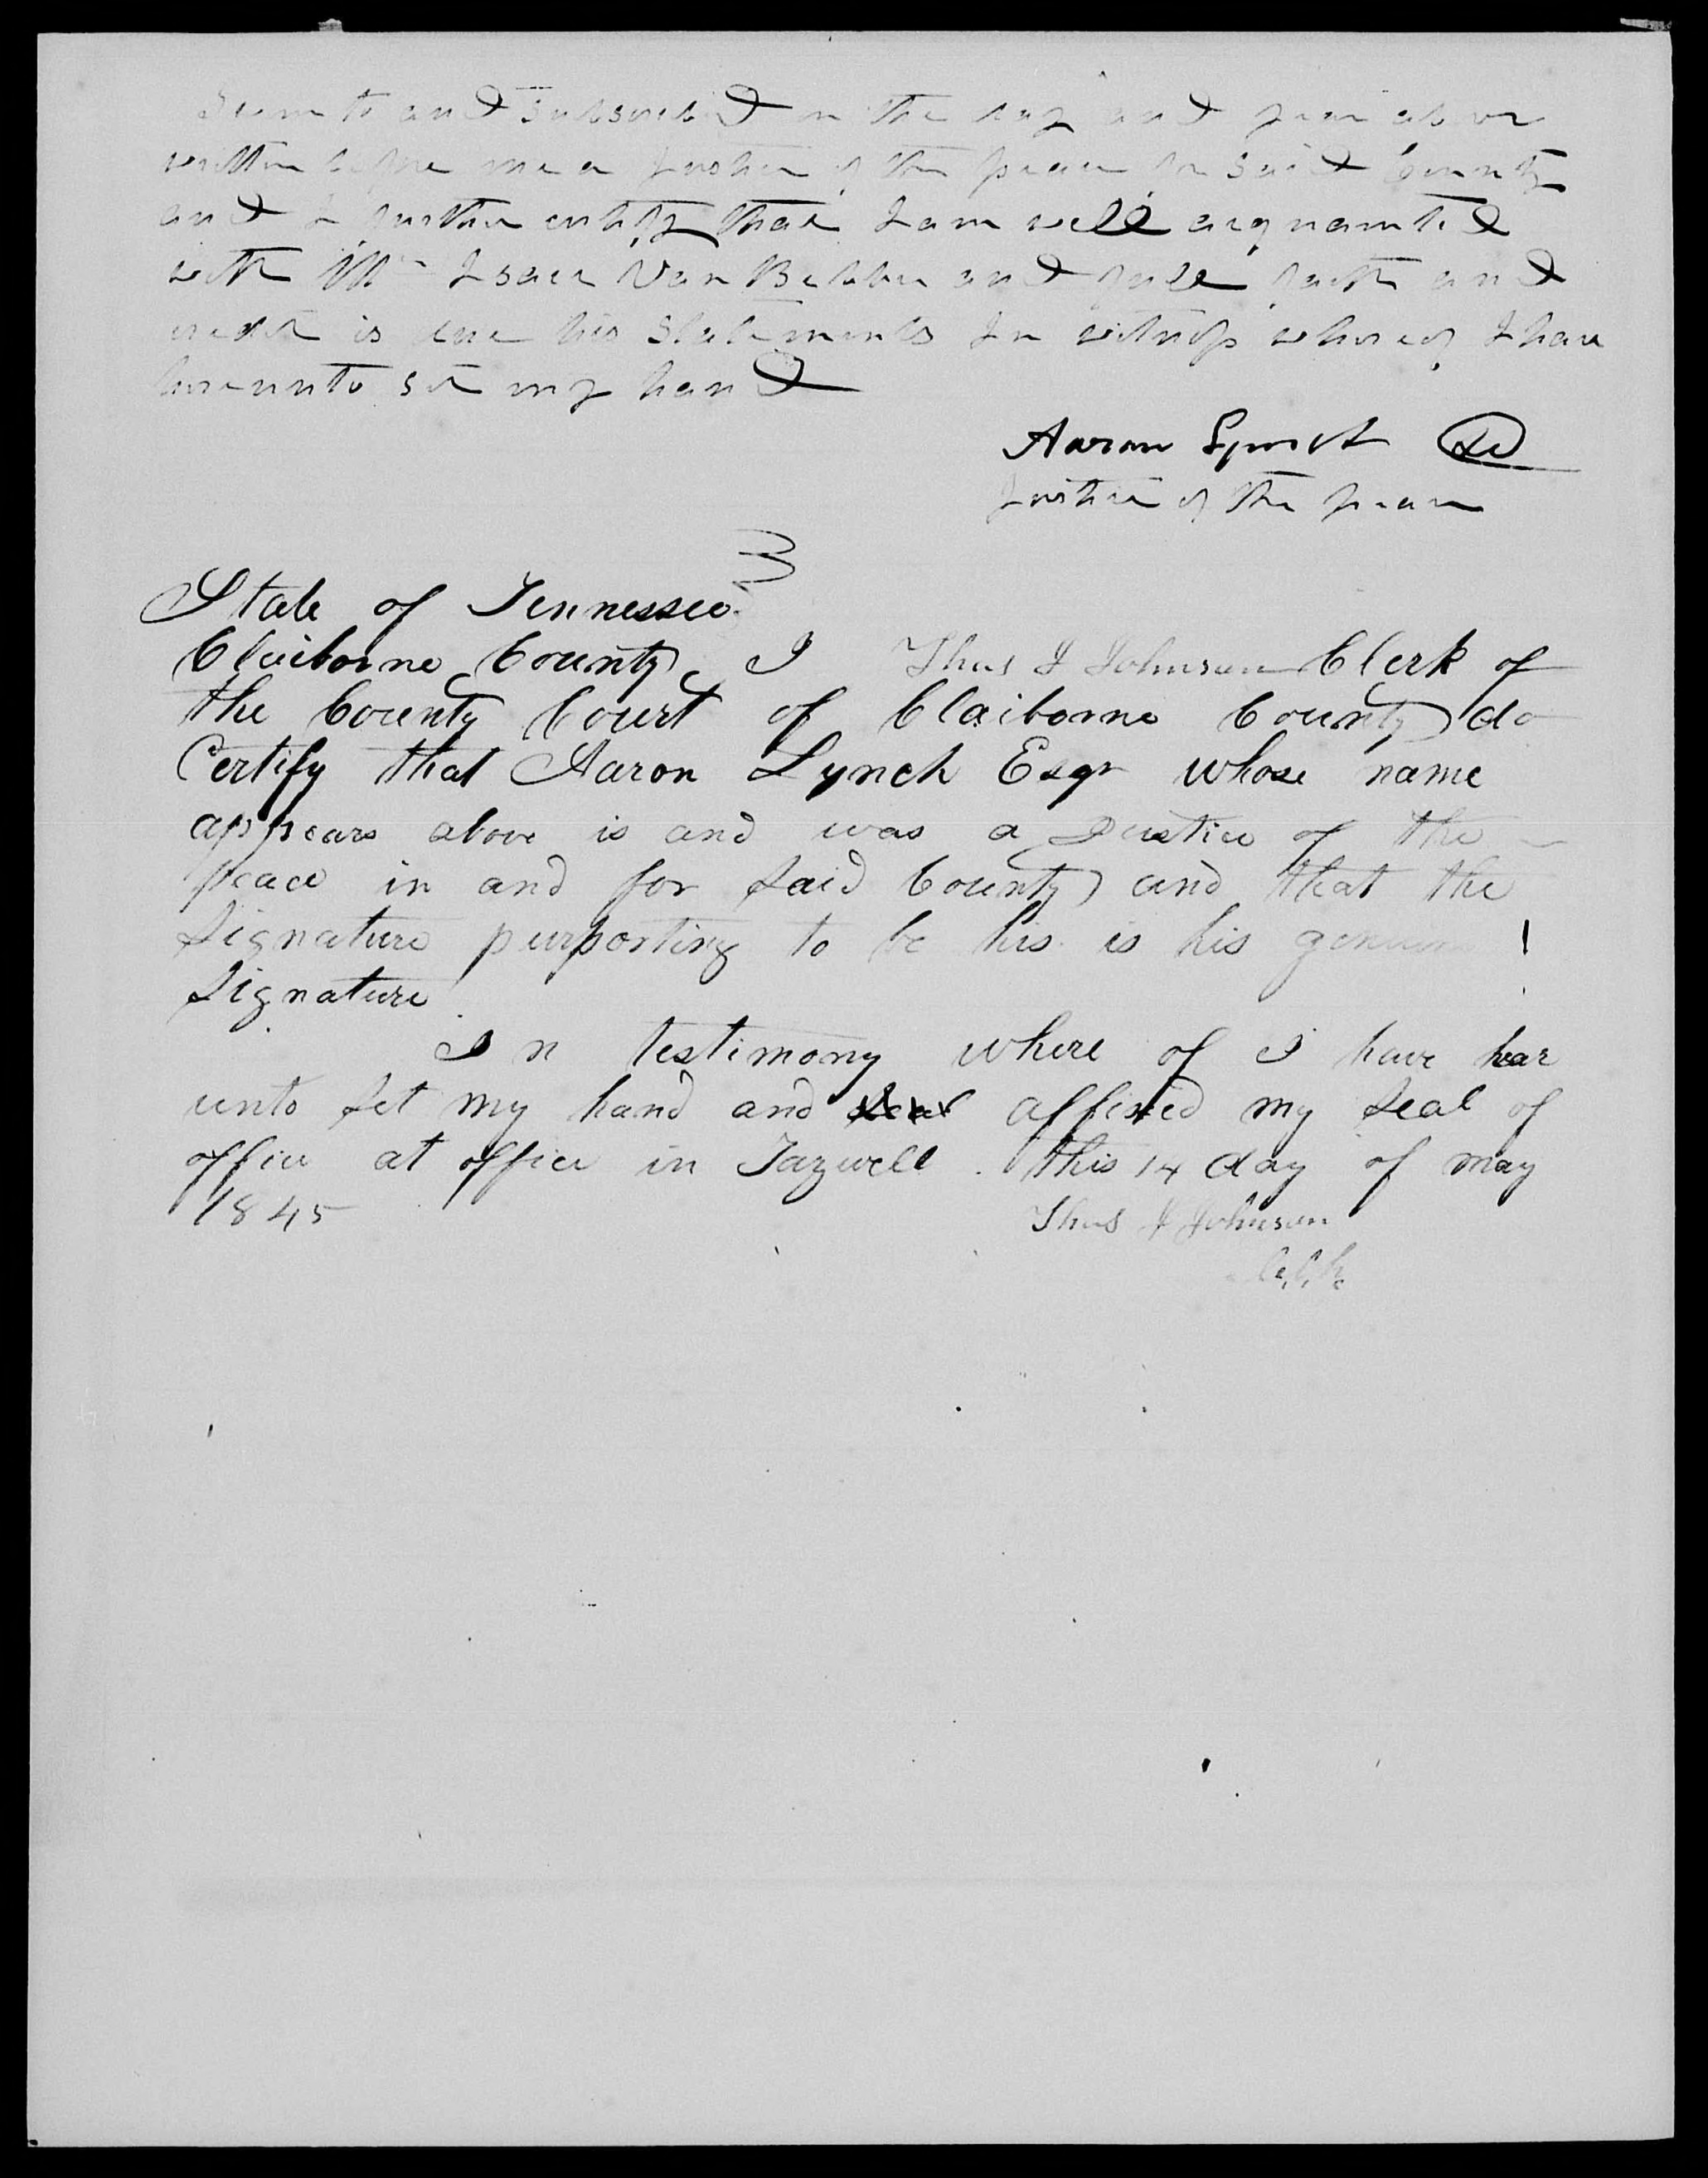Sworn to and subscribed on the day and year above
written before me a Justice of the peace for said County
and I further certify that I am well acquainted with
Mr Isaac Van Bebber and full faith and
credit is due his statements In Witness whereof I have
hereunto set my hand
Aaron Lynch (seal)
Justice of the peace

State of Tennessee )
Claiborne County   )
the County
Court
I Thos J Johnson Clerk of
of the County Court of Claiborne County do
Certify that Aaron Lynch Esqr whose name
appears above is and was a Justice of the
peace in and for said County and that the
Signature purporting to be his is his genuine
Signature
In testimony where of I have here
unto set my hand and ["seal" was crossed out] affixed my seal of
office at office in Tazwell this 14 day of May
1845
Thos J Johnson
C.C.C.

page: 86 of 120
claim: widow's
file: W. 1044, for Salathiel Martin, North Carolina